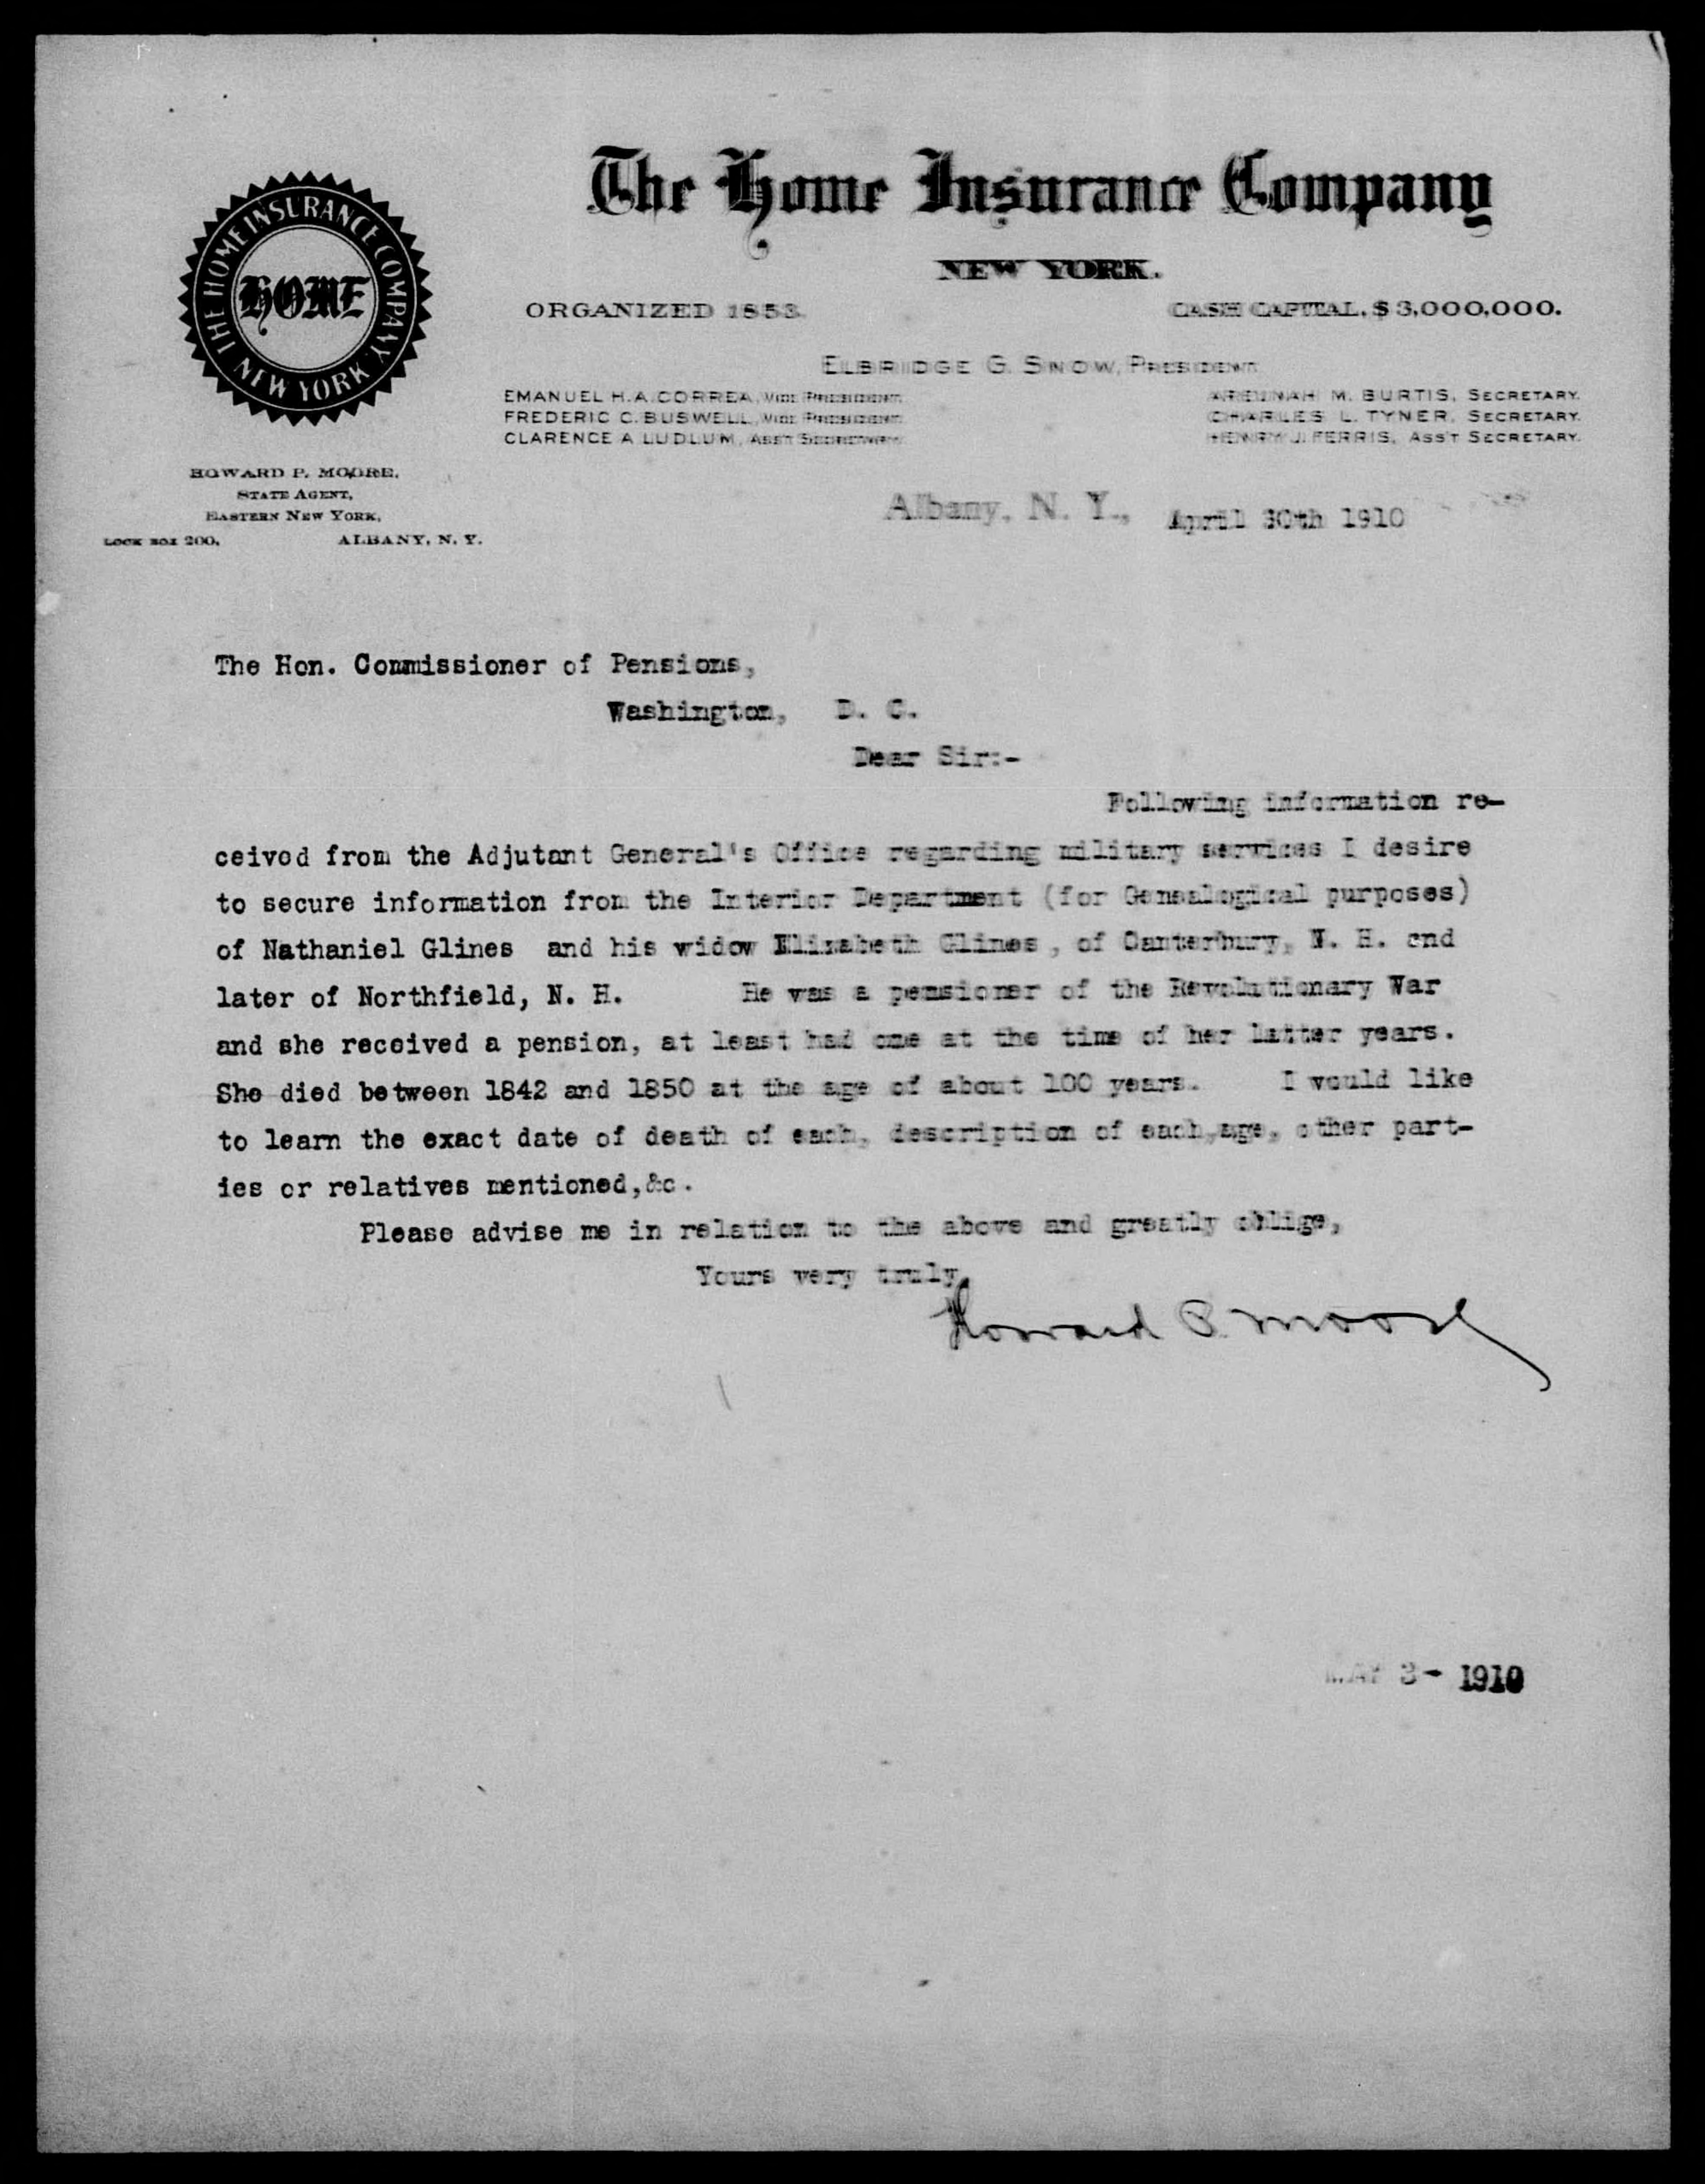[logo seal in upper left corner of letterhead]
THE HOME INSURANCE COMPANY NEW YORK, with the word "HOME" in the center

HOWARD P. MOORE.
STATE AGENT.
EASTERN NEW YORK.
LOCK BOX 200.  ALBANY, N.Y.

[center of letterhead]
The Home Insurance Company
NEW YORK.
ORGANIZED 1853.   CASE CAPITAL. $3,000,000.
ELBRIDGE G. SNOW, PRESIDENT

EMANUEL H.A. CORRDA, VICE PRESIDENT
FREDERIC C. BUSWELL, VICE PRESIDENT
CLARENCE A. LUDLUM, ASST. SECRETARY
NATHAN M. BURTIS, SECRETARY
CHARLES L. TYNER, SECRETARY
HENRY J. FERRIS, ASST SECRETARY
Albany, N.Y.,   April 30th 1910

The Hon. Commissioner of Pensions,
Washington, D. C.

Dear Sir:-

Following information received from the Adjutant General's Office regarding military services I desire to secure information from the Interior Department (for Genealogical purposes) of Nathaniel Glines and his widow Elizabeth Glines, of Canterbury, N. H. and later of Northfield, N. H.   He was a pensioner of the Revolutionary War and she received a pension, at least had one at the time of her latter years.  She died between 1842 and 1850 at the age of about 100 years.   I would like to learn the exact date of death of each, description of each, age, other parties or relatives mentioned, &c.

Please advise me in relation to the above and greatly oblige,

Yours very truly,
Howard P. Moore

[stamp]  MAY 3--1910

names: Elbridge G Snow, Frederic C Buswell, Clarence A Ludlum, Emanuel H A Correa, Nathan M Burtis, Howard P Moore, Henry H Ferris, Howard P Moore, Elizabeth Glines, Charles L Tyner, Nathaniel Glines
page: 28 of 29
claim: widow's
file: W. 24,282, Nathaniel Glines, N.H.